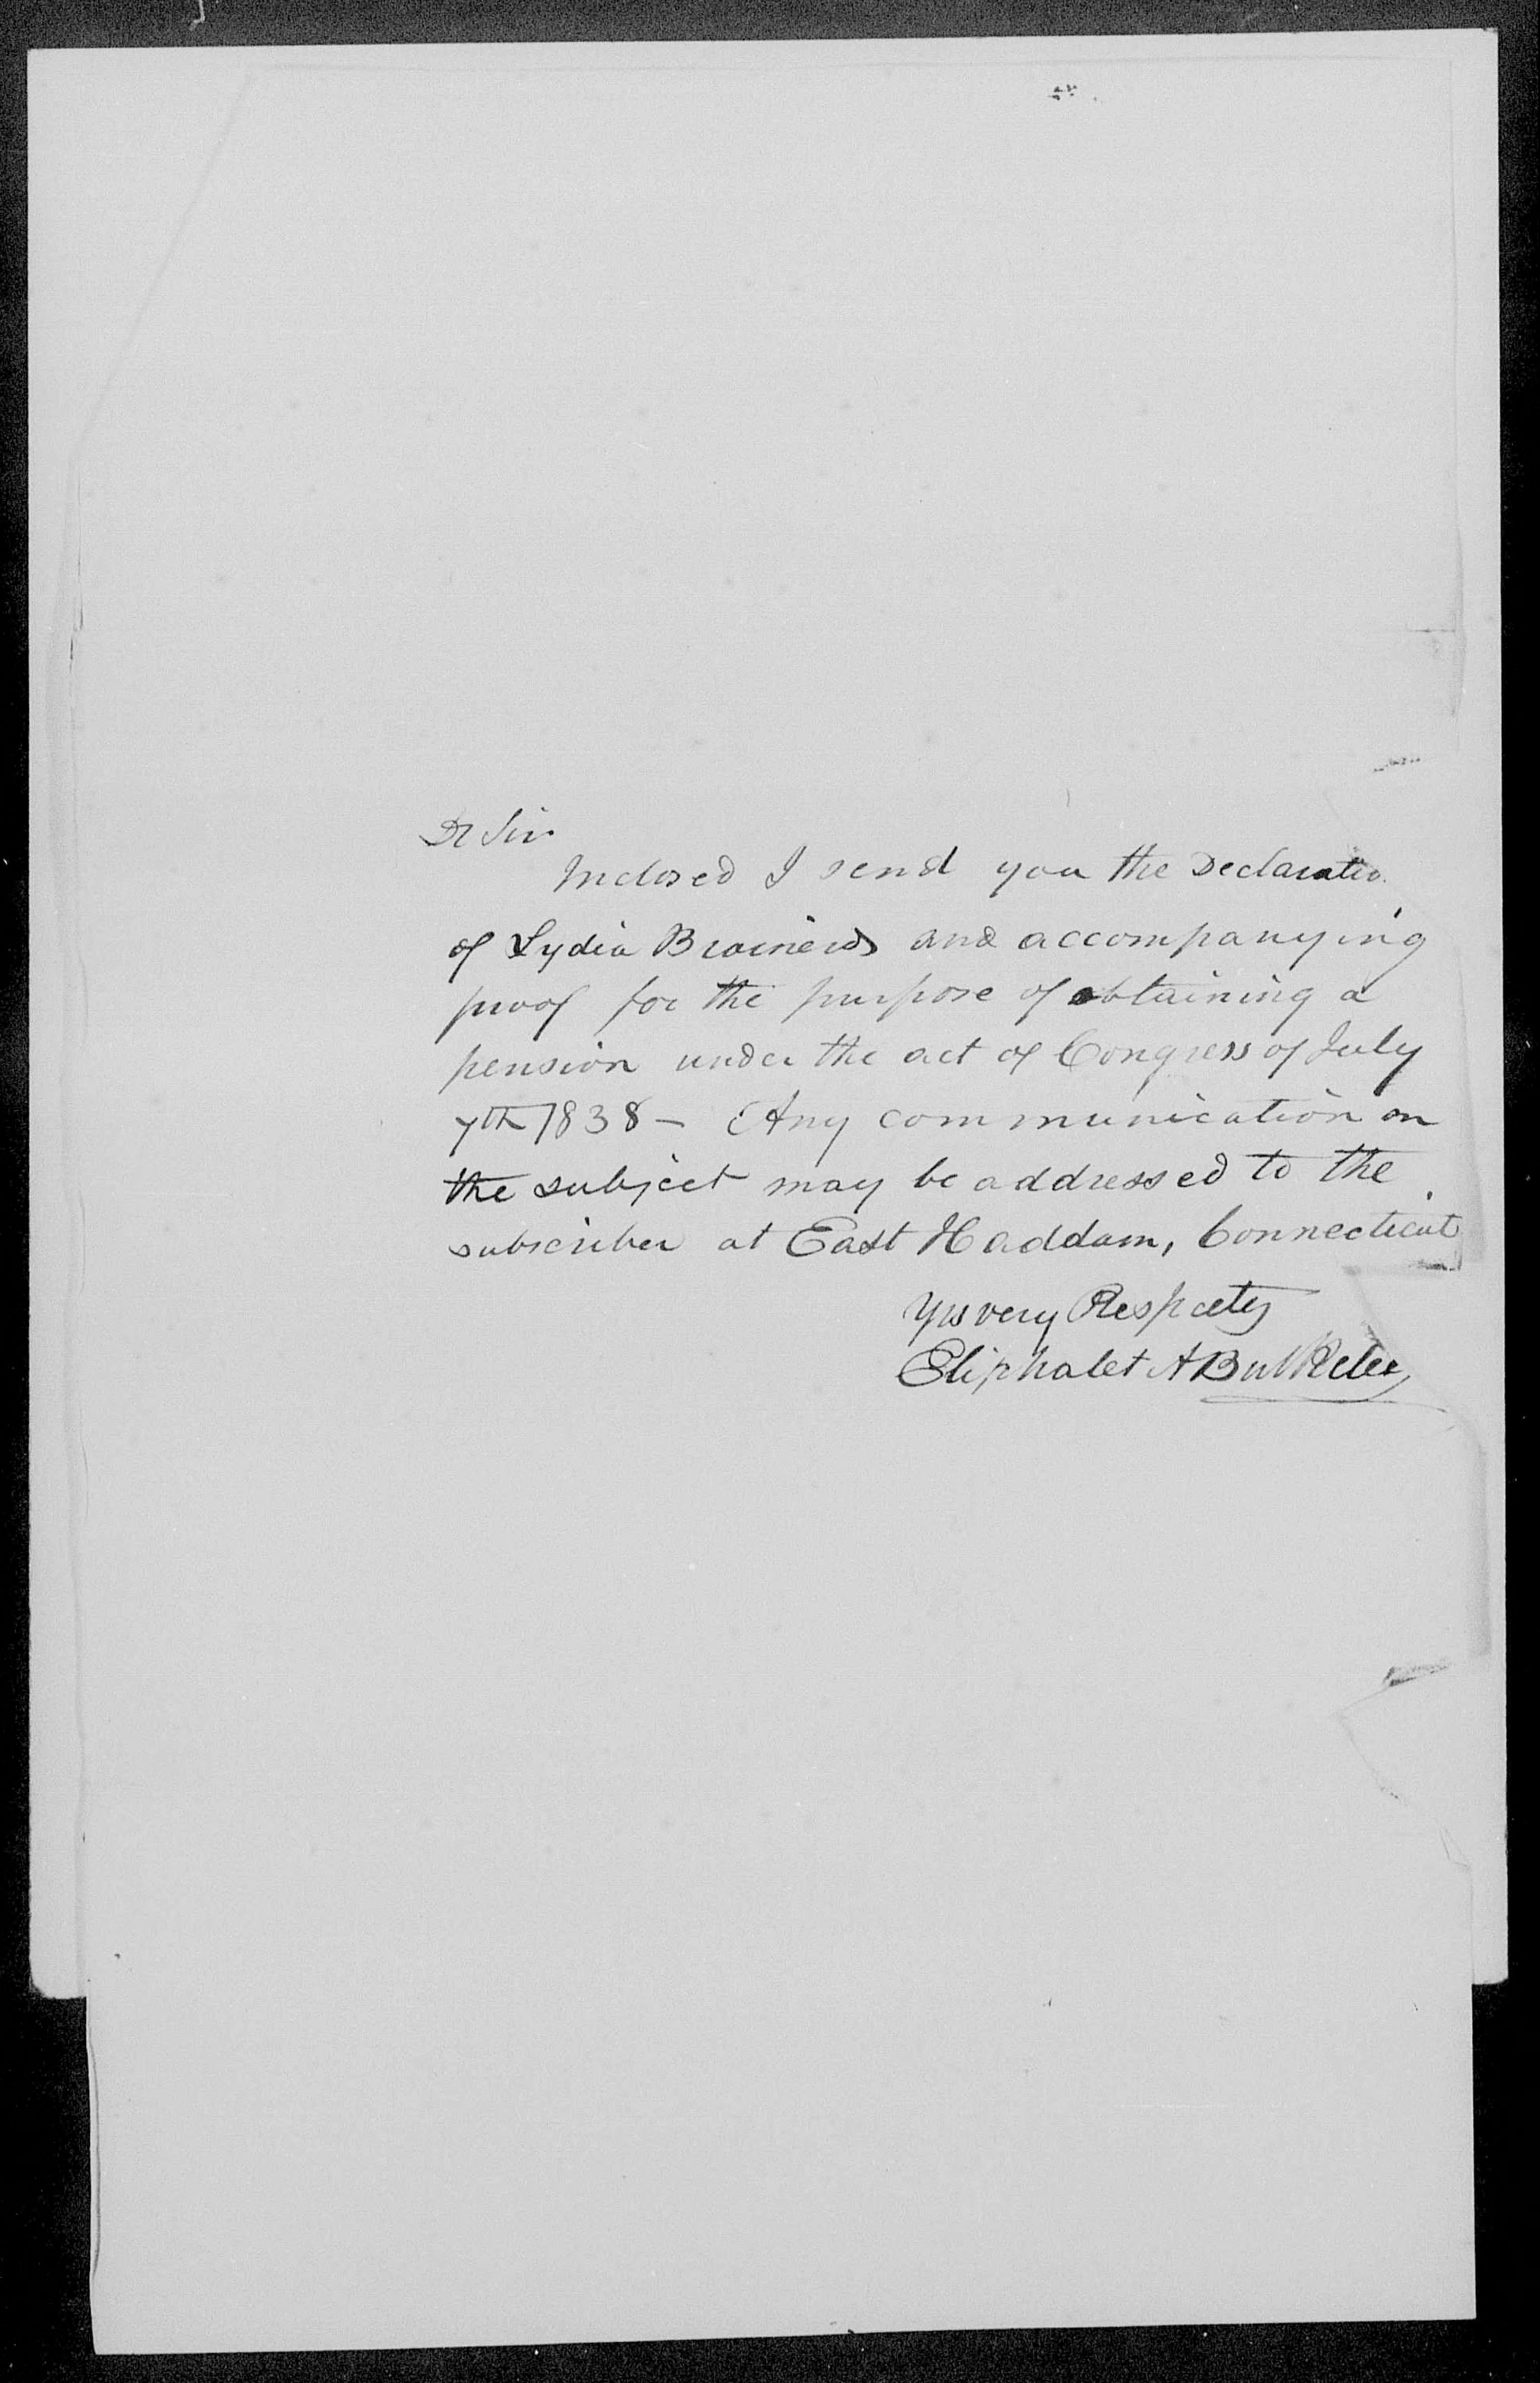Dr Sir
Inclosed (sic) I send you the Declarationof Lydia Brainerd and accompanying proof for the purpose of obtaining a pension under the act of Congress of July 7th 1838- Any communication on the subject may be addressed to the subscriber at East Haddam, Connecticut
Yrs very Respcety
[signature] Eliphalet A Bulkeley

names: Lydia Brainerd, Eliphalet A Bulkeley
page: 12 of 25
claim: widow's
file: W. 23,671, Bezaleel Brainard, Conn.